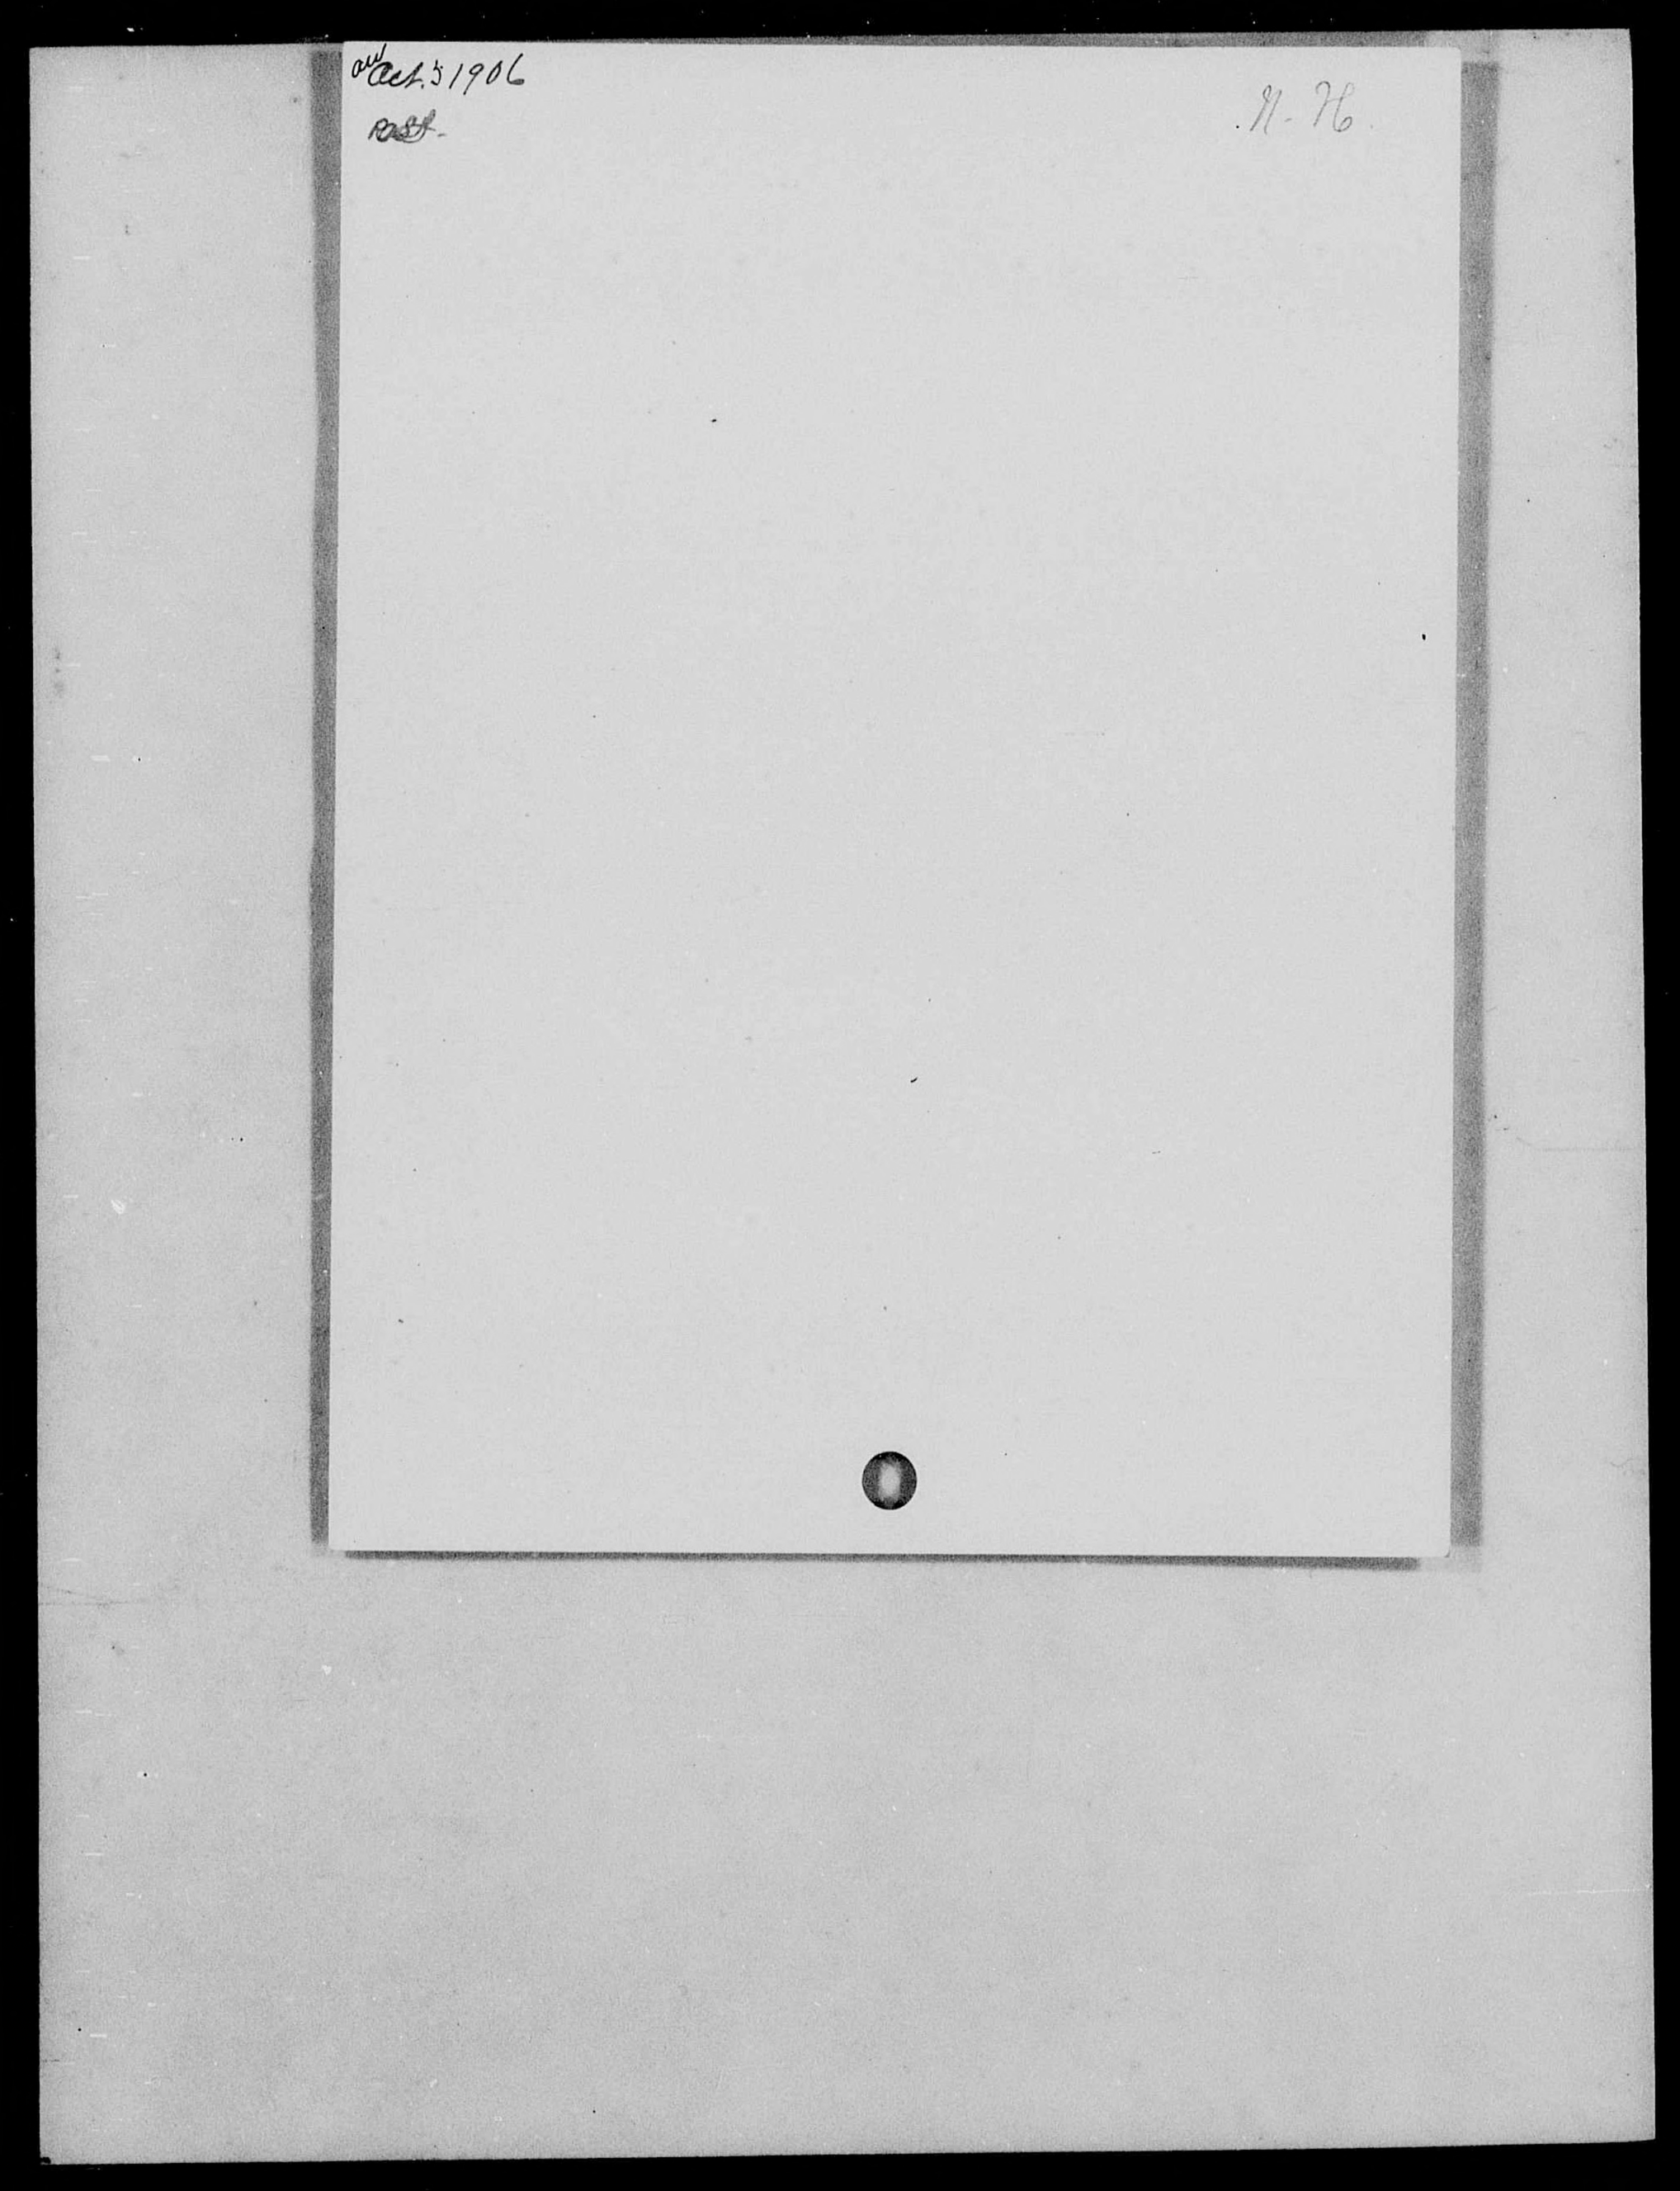aw
Oct. 5 1906
RASF.

N.H.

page: 2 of 14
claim: survivor's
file: S. 22943, for Asa Putney, New Hampshire